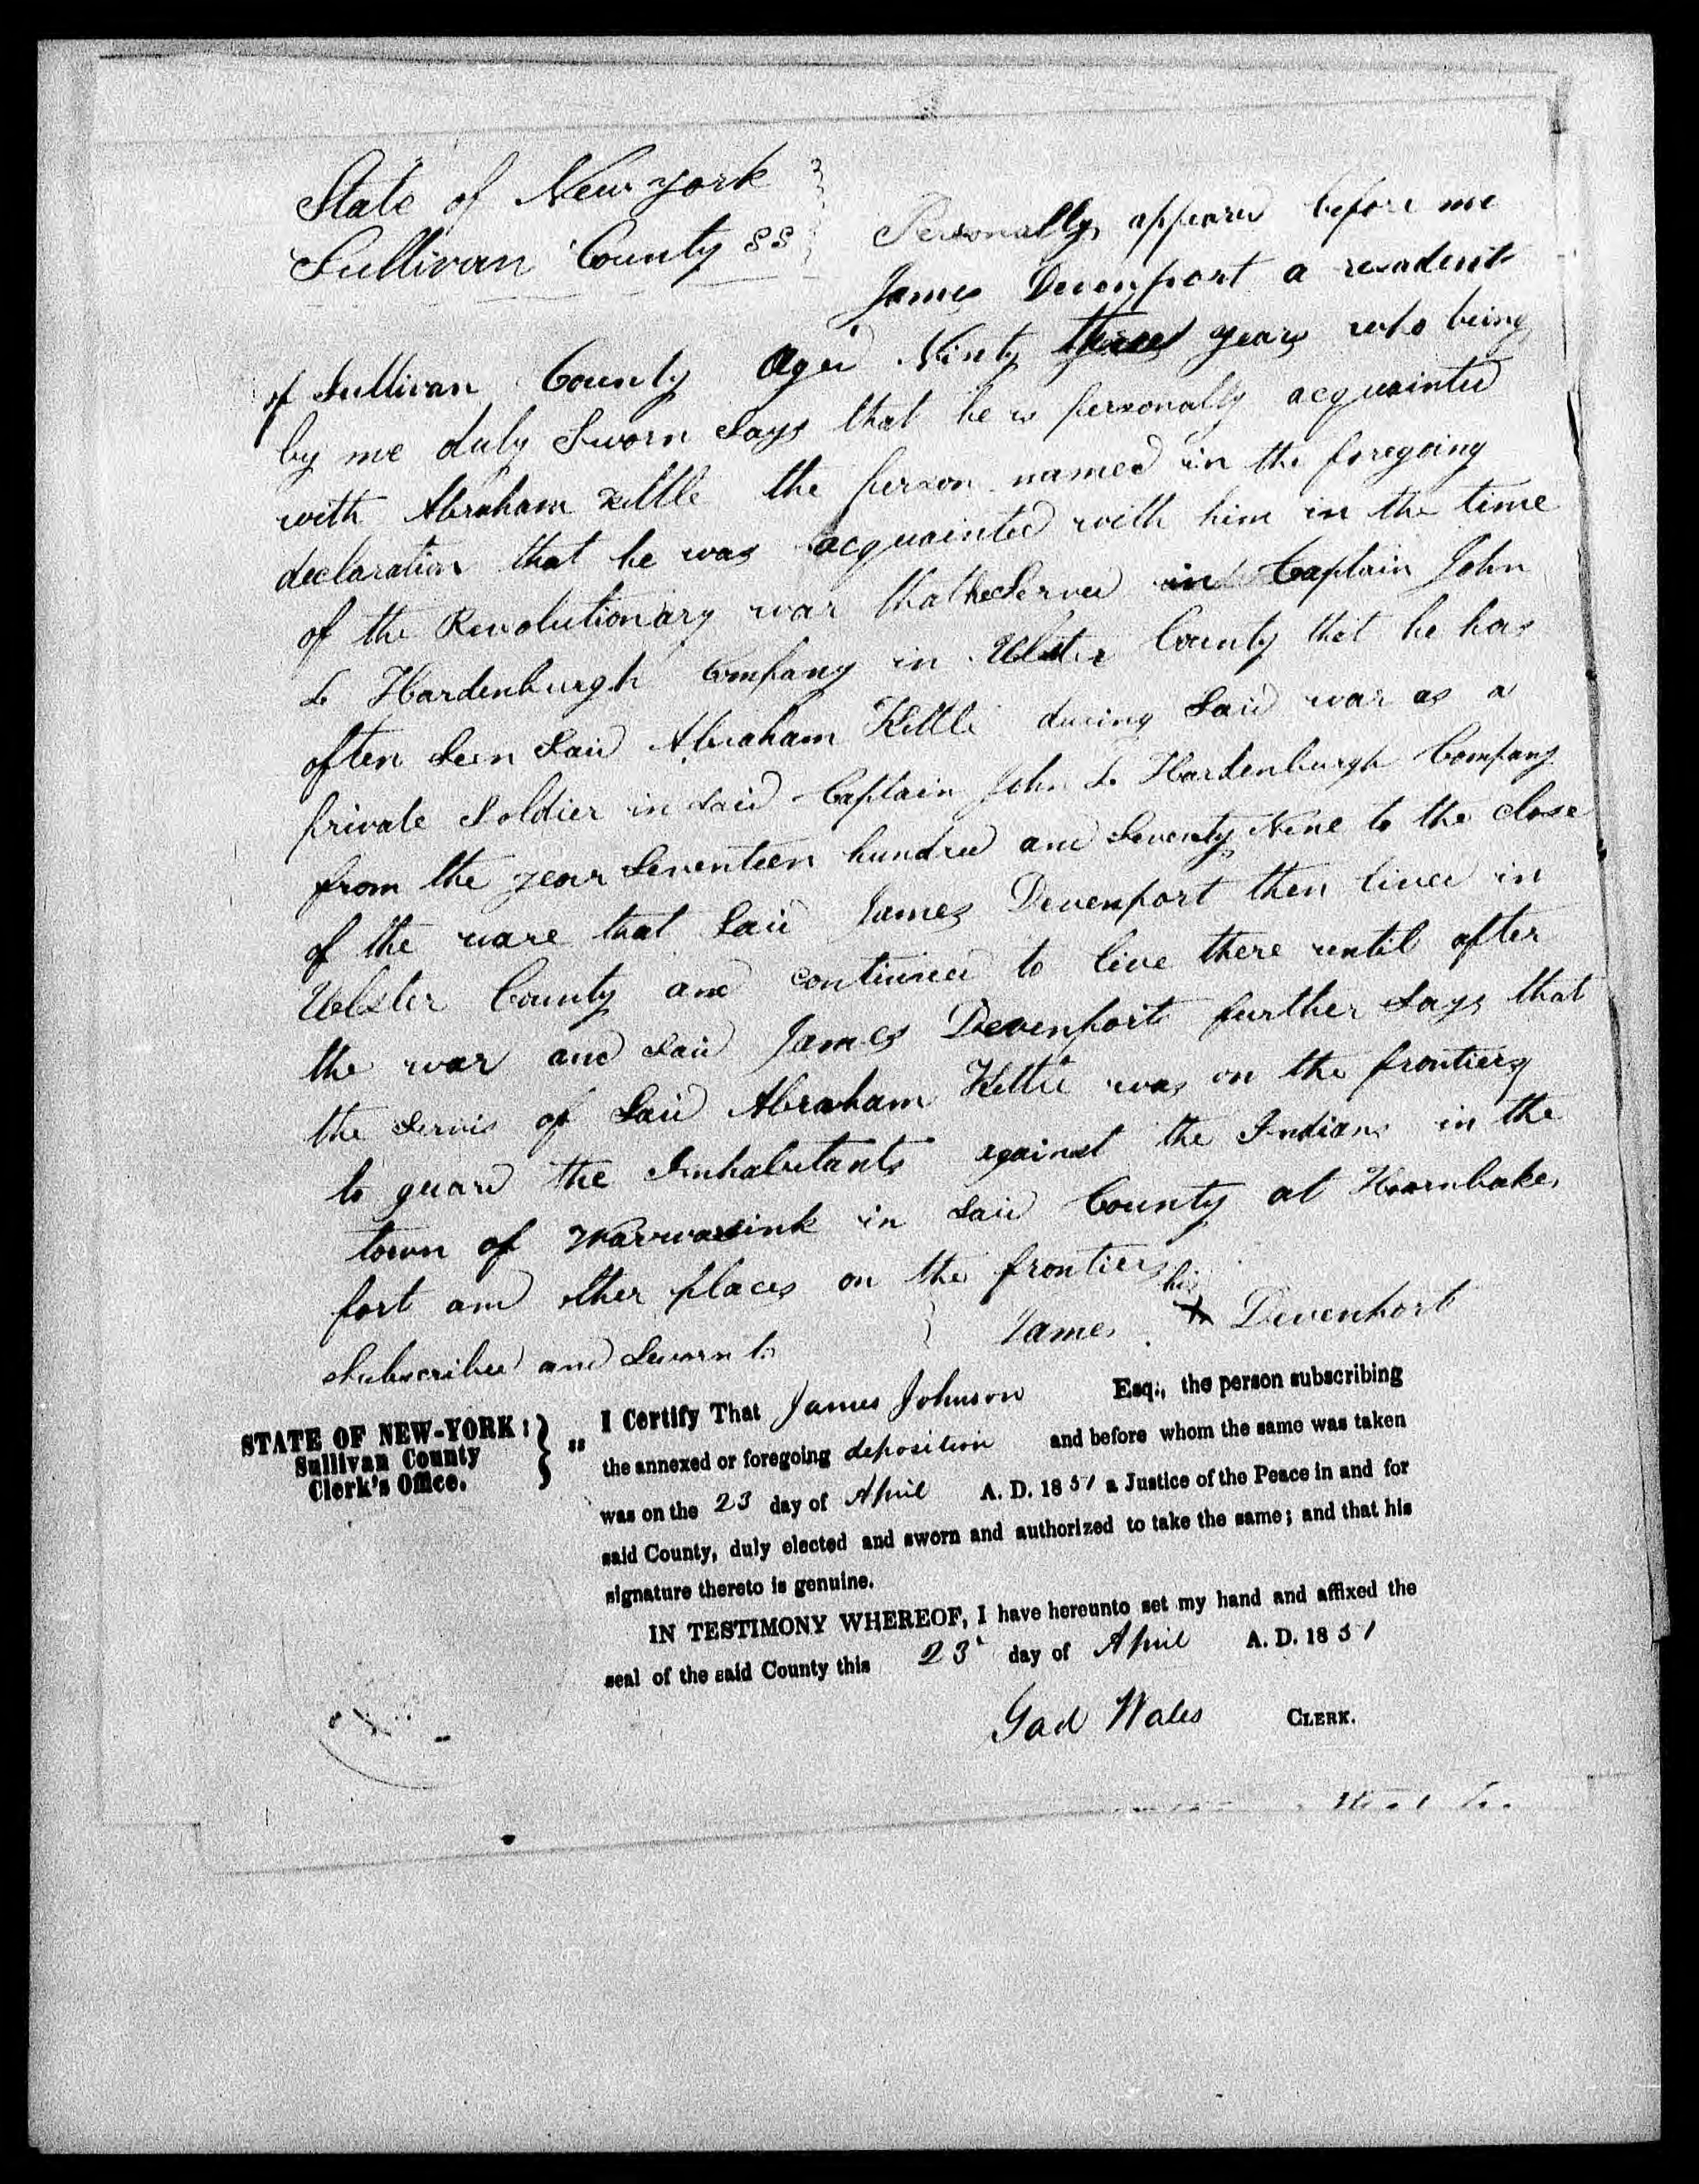State of New York 
Sullivan County SS Personally appeared before me - - James Devenport a resident Sullivan County aged sixty three years who being  by me duly Sworn Says that he is personally acquainted with Abraham Kittle the person named in the foregoing declaration that he was acquainted with him in the time of the Revolutionary war that he served in  Captain John Hardenburgh Company in Ulster County that he has often seen said Abraham Kittle during said war as a private soldier in said Captain John L. Hardenburgh Company from the year Seventeen hundred and Seventy Nine to the close of the ware that said James Devenport then lived in Ulster County and continue to live there until after the war and said James Devenport further says that the servis of said Abraham Kittle was on the frontiers to guard the Inhabitants against the Indians in the town of Warwarsing in said County  at Hornbake Fort  and other places on the frontier. Subscribed and sworn to
James his mark Davenport
 STATE OF NEW-YORK: 
Sullivan County
Clerks office
I Certify That James Johnson Esq., the person subscribing the annexed or foregoing deposition and before whom the same was taken was on the 23 day of April A. D. 1851 a Justice of the Peace in and for said County, duly elected and sworn and authorized to take the same; and that his signature thereto is genuine IN TESTIMONY WHEREOF, I have hereunto set my hand and affixed the seal of the said County this 23 day of April A. D. 1851
 Gad Wales 
Clerk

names: Gad Wales; James Devenport; Abraham Kittle; James Johnson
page: 8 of 18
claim: rejected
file: R. 6002, for Abraham Kittle, New York